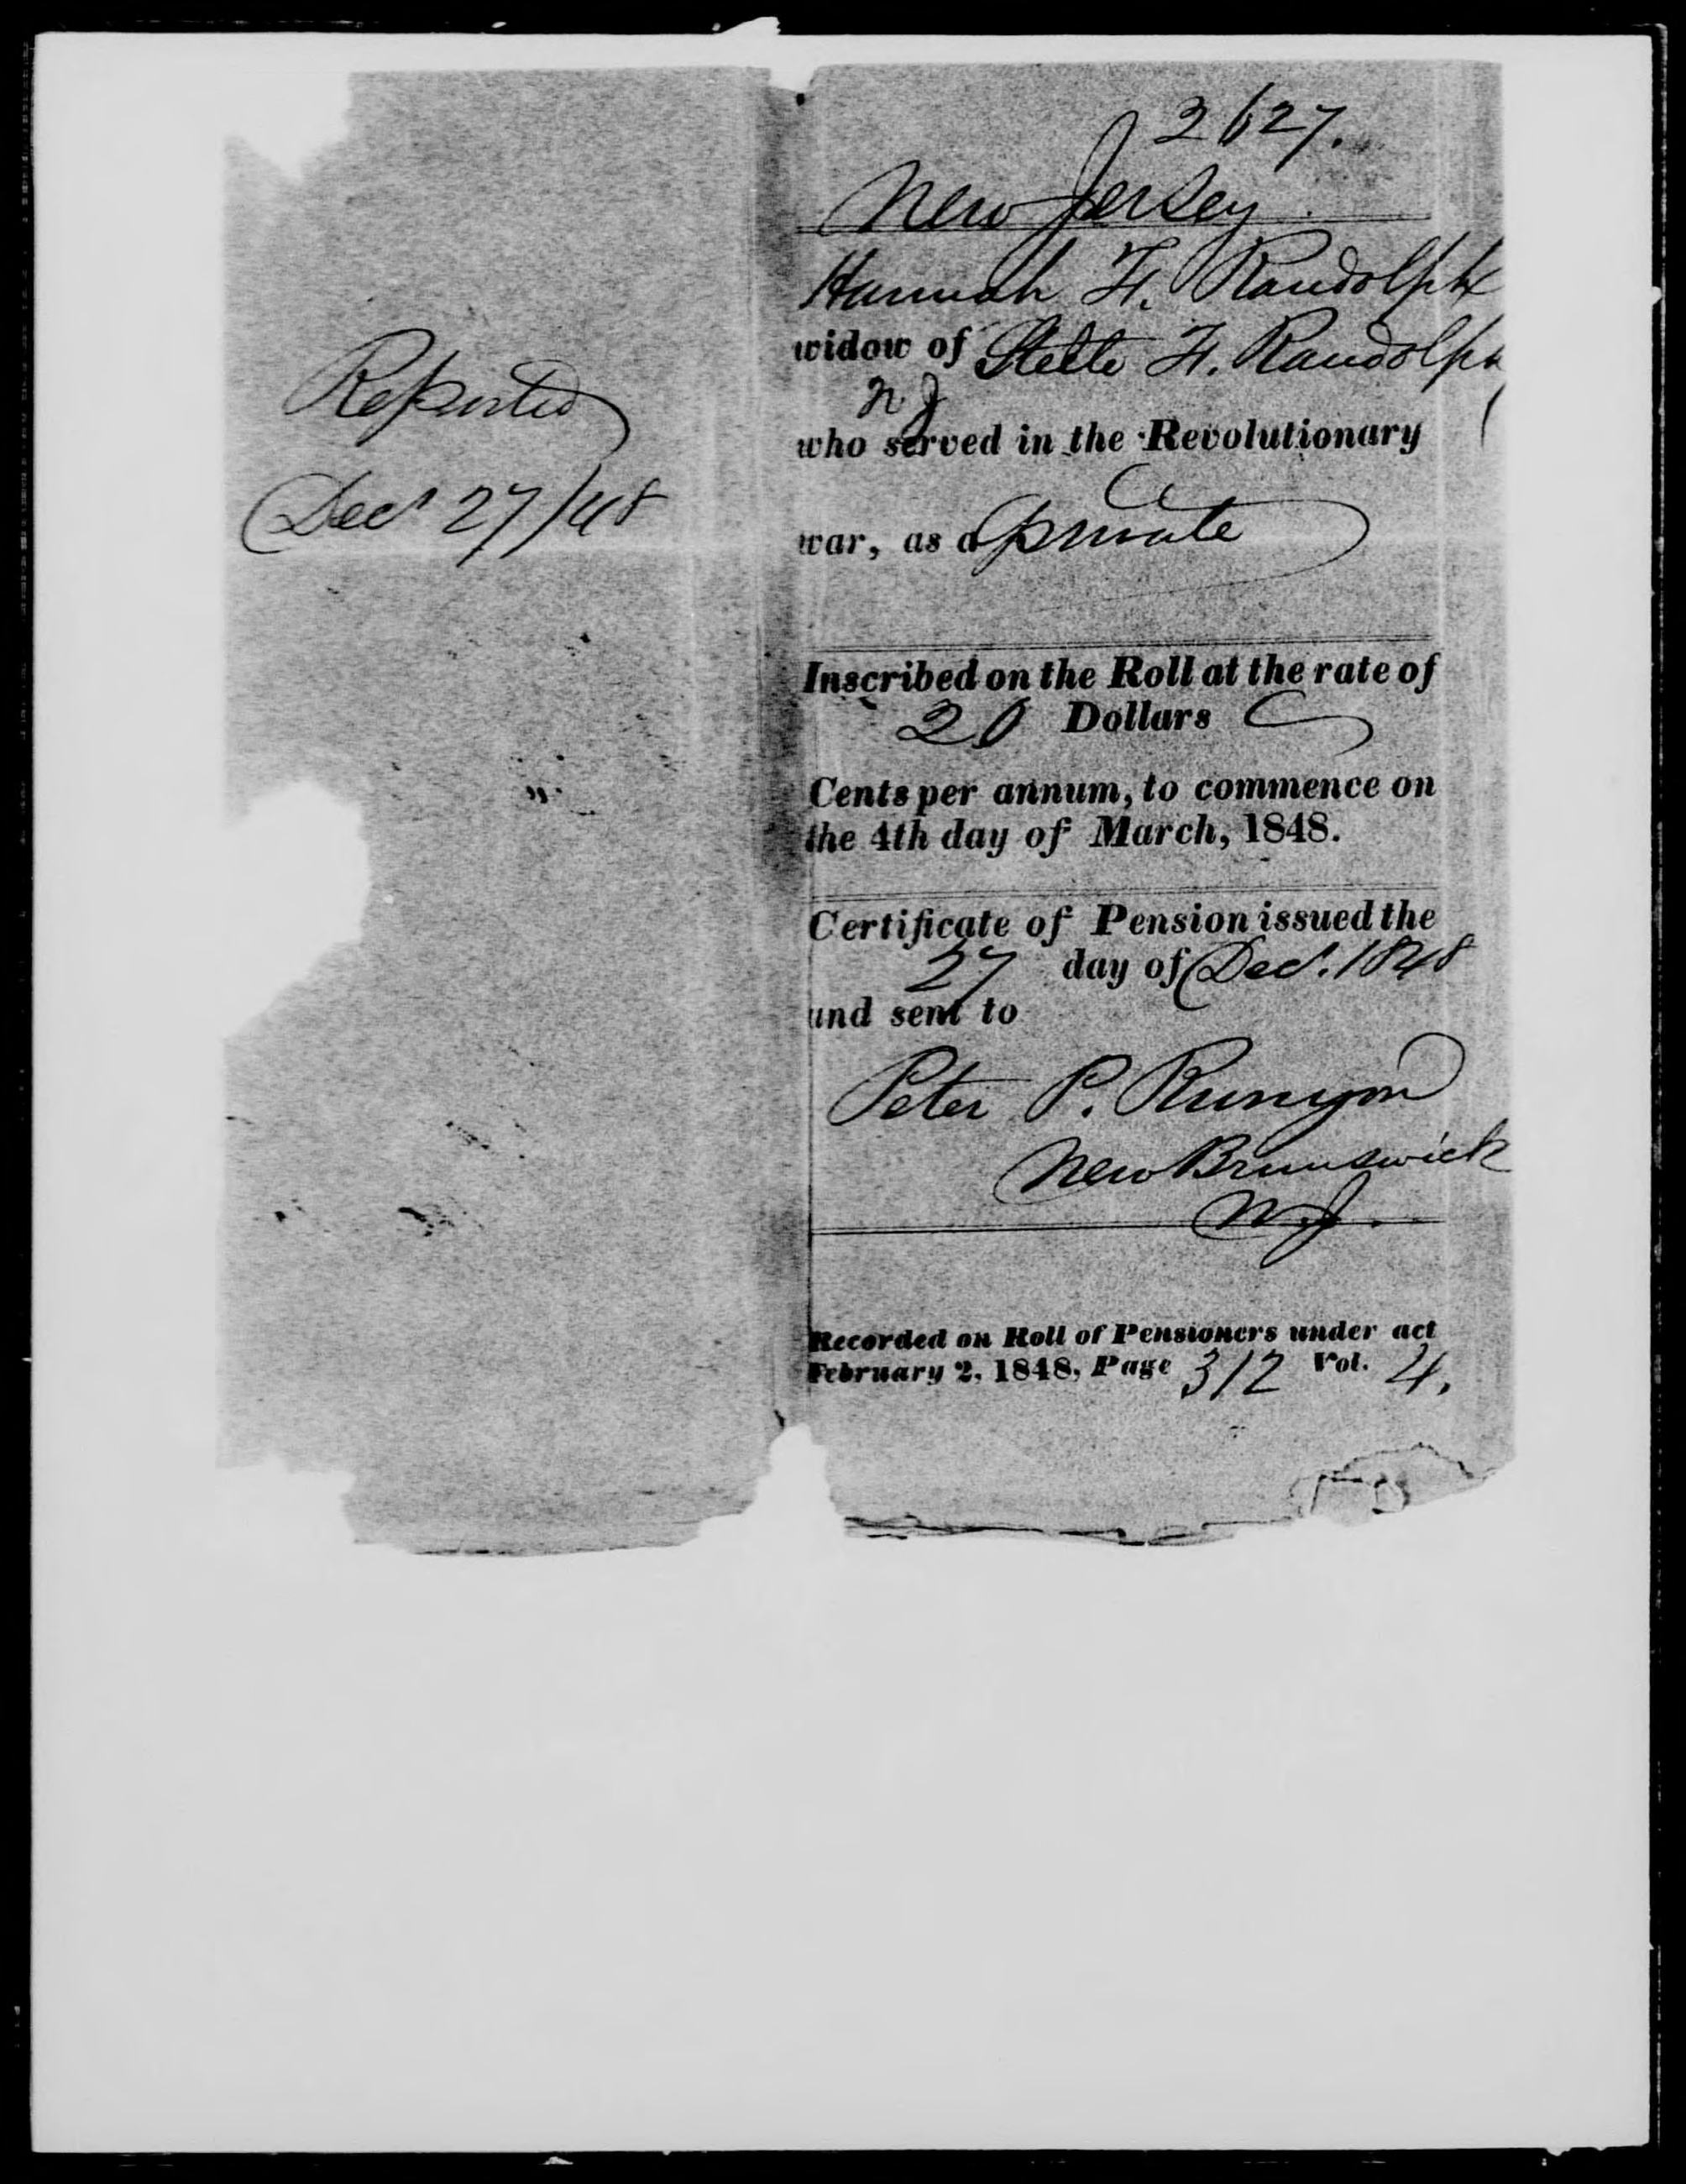Reported Dec 27/48
2627.
New Jersey
Hannah F. Randolph
widow of Stelle F. Randolph
N.J.
who served in the Revolutionary
war, as a private
Inscribed on the Roll at the rate of
20 Dollars
Cents per annum, to commence on
the 4th day of March, 1848.
Certificate of Pension issued the
27 day of Dec. 1848
and sent to
Peter P. Runyon
New Brunswick
N.J.
Recorded on Roll of Pensioners under act
February 2, 1848, Page 3/2 Vol 4.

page: 2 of 33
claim: widow's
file: W. 5,665, for Stelle F Randolph, New Jersey